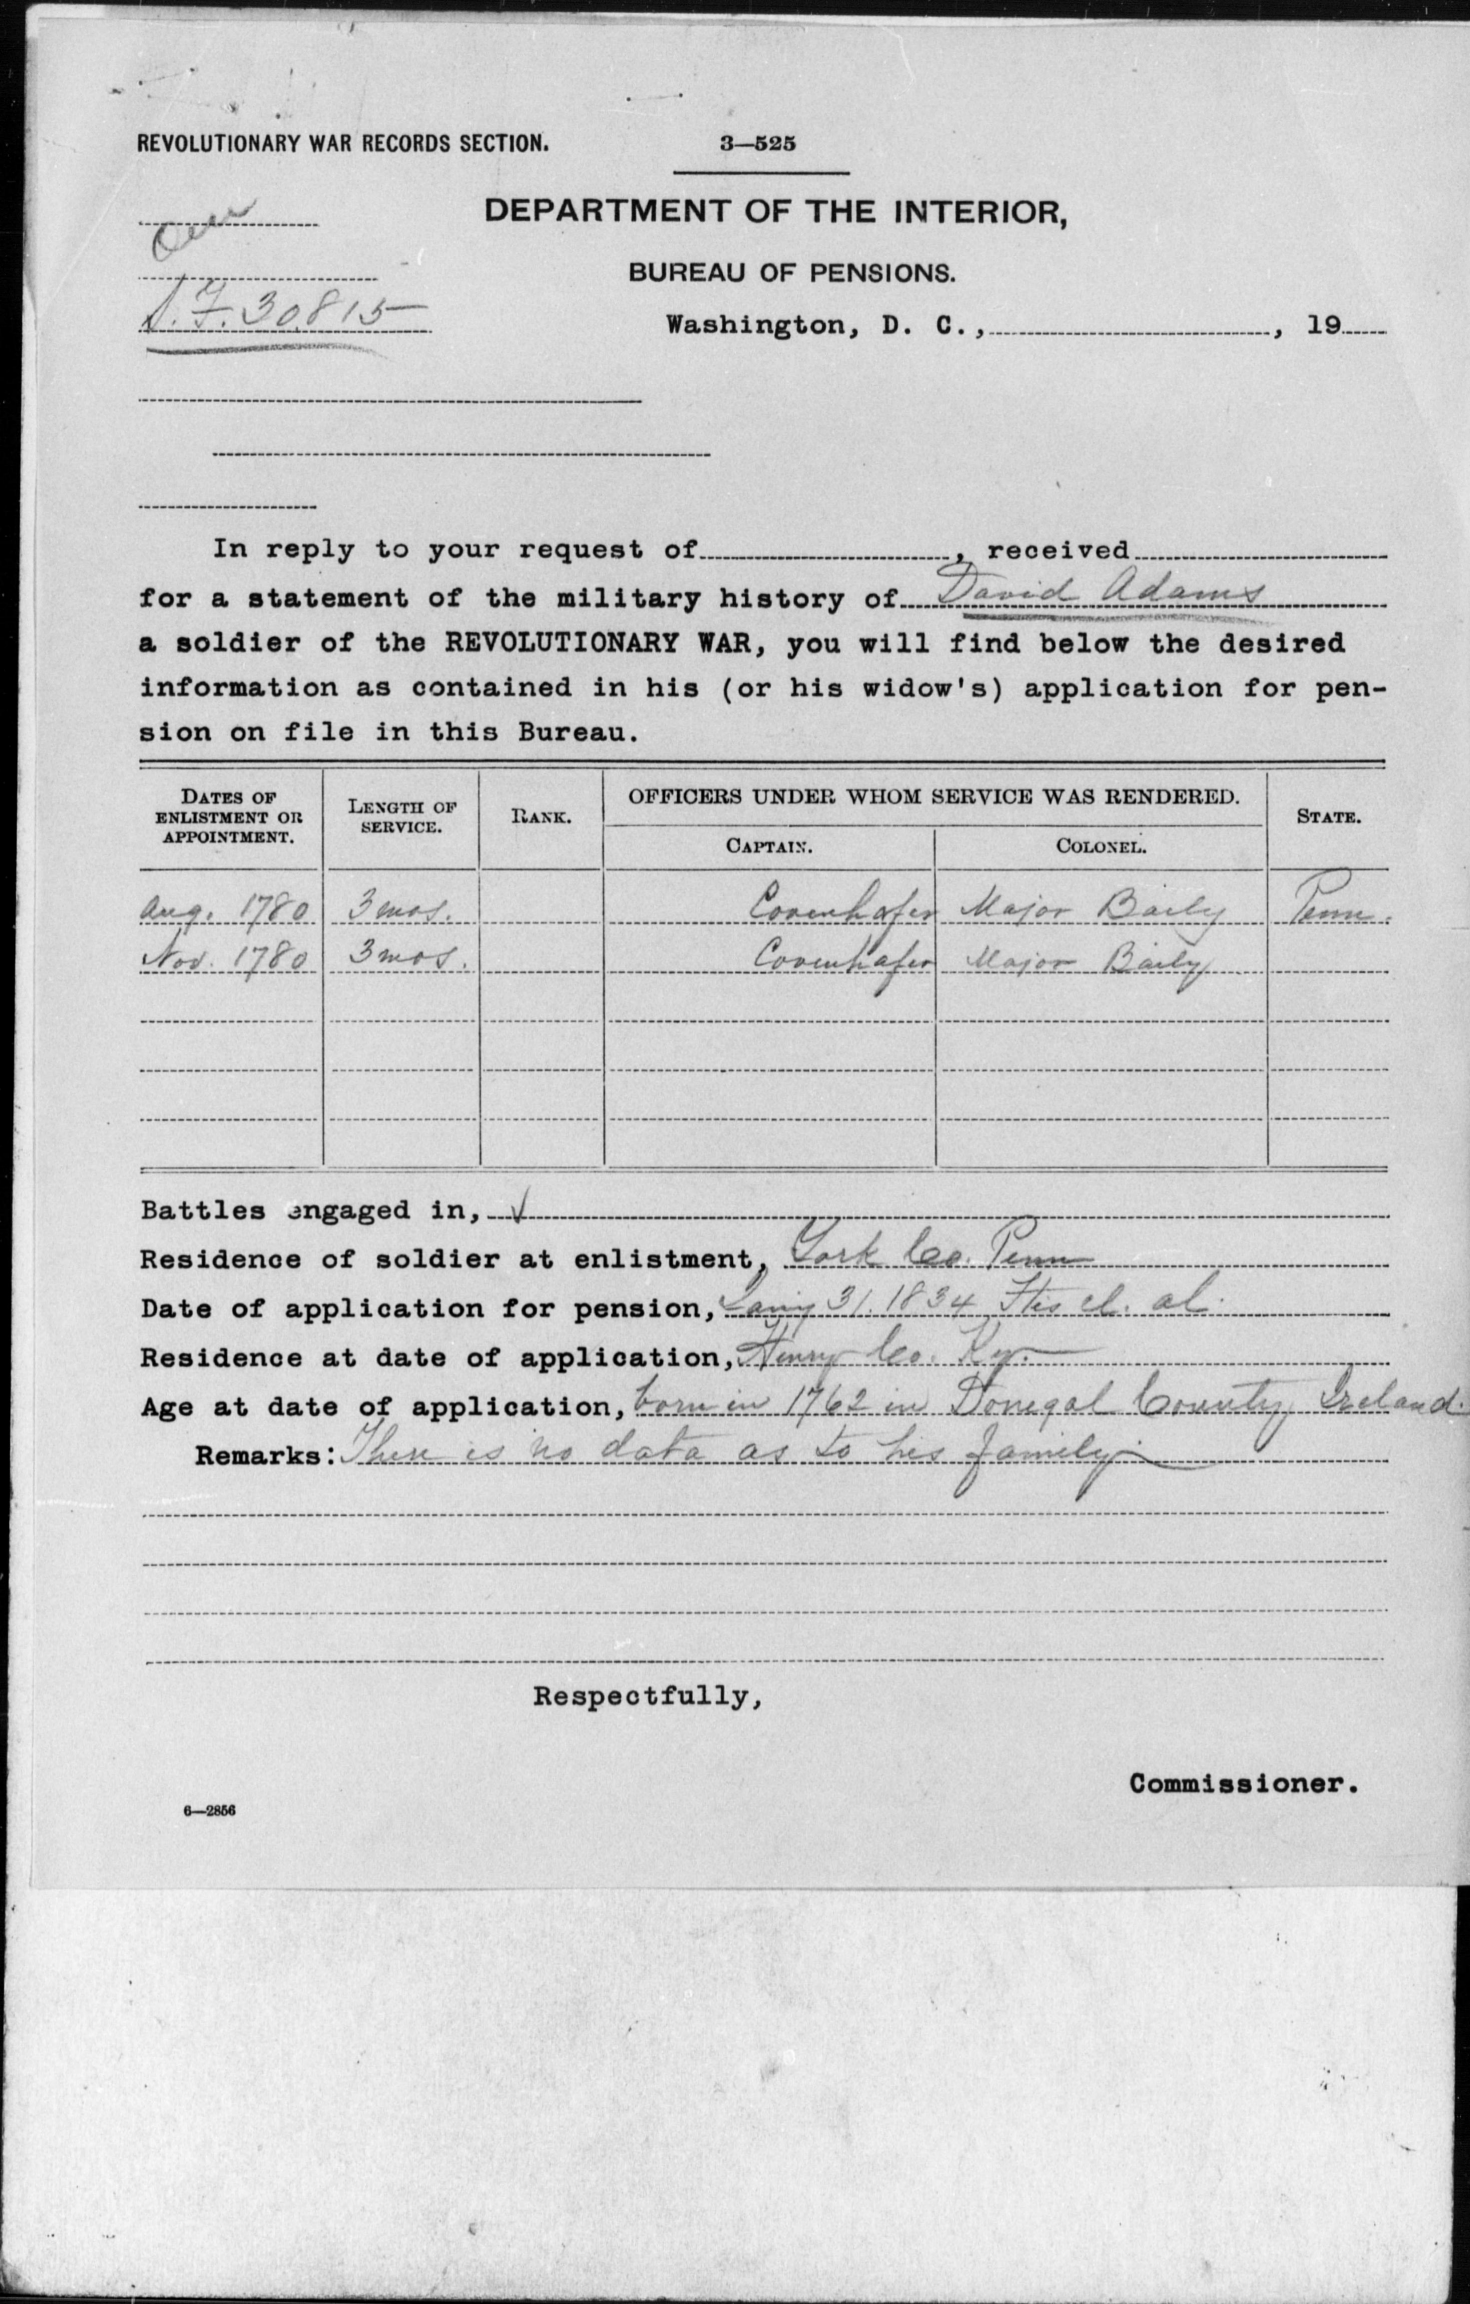[Printed]
REVOLUTIONARY WAR RECORDS SECTION.  3-525

[Handwritten]
[illegible] S. F. 30815

[Printed]
DEPARTMENT OF THE INTERIOR,
BUREAU OF PENSIONS.
Washington, D. C.,   19

[Printed]
In reply to your request of     , received    for a statement of the military history of [handwritten] David Adams [printed]
soldier of the REVOLUTIONARY WAR, you will find below the desired information as contained in his (or his widow's) application for pension
on file in this Bureau.

DATES OF ENLISTMENT OR APPOINTMENT.
[Handwritten] Aug. 1780  Nov. 1780

[Printed] LENGTH OF SERVICE.
[Handwritten] 3 mos   3 mos.

[Printed] RANK.

[Printed] OFFICERS UNDER WHOM SERVICE WAS RENDERED.
CAPTAIN.
[Handwritten] Covenhafer  Covenhafer

[Printed] COLONEL.
[Handwritten] Major Baily    Major Baily

[Printed] STATE.
[Handwritten] Penn.

[Printed] Battles engaged in,
[Handwritten] v

[Printed] Residence of soldier at enlistment, [Handwritten] York Co. Penn

[Printed] Date of application for pension, 
[Handwritten] Jany 21. 1834, His cl. al

[Printed] Residence at date of application, [Handwritten] Henry Co. Ky.

[Printed] Age at date of application, 
[Handwritten] born in 1762 in Donegal County, Ireland.

[Printed] Remarks: 
[Handwritten] There is no data as to his family.

[Printed]
Respectfully,
6-2856  Commissioner.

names: Covenhafer, Covenhafer, David Adams, Baily, Baily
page: 11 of 13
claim: survivor's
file: S 30,815, David Adams, Penn.